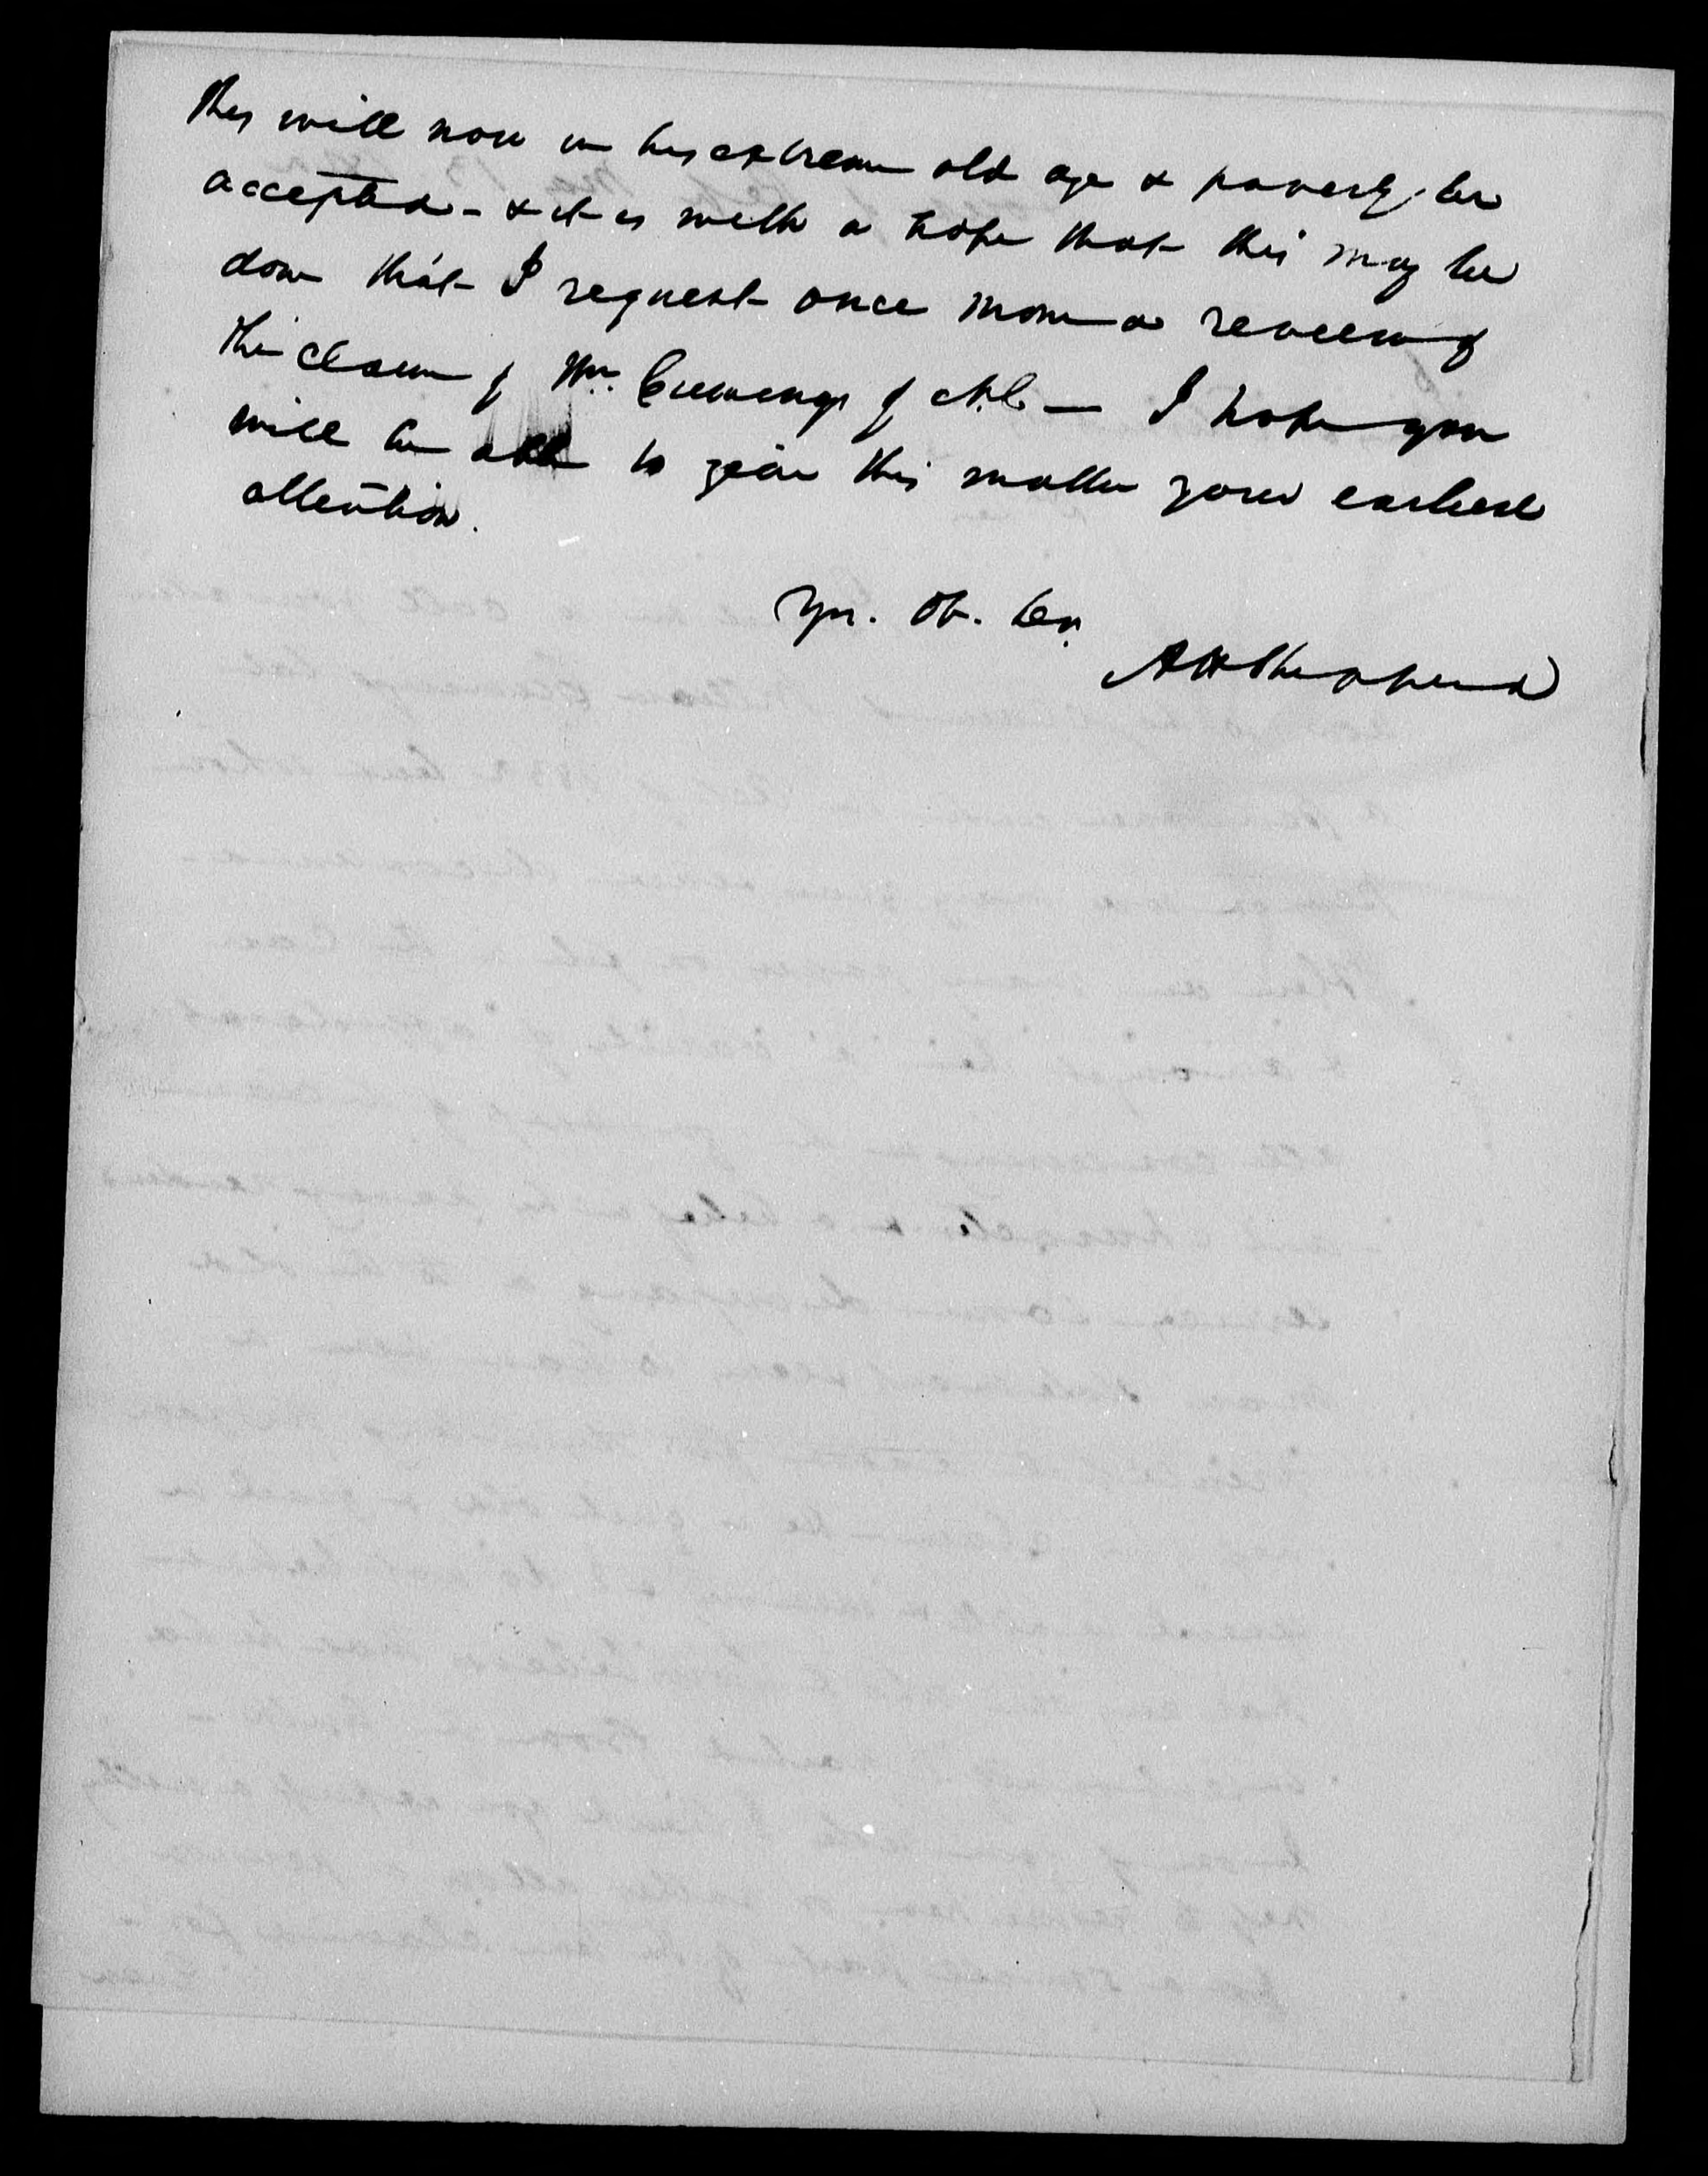[Continuation of handwritten letter]

this will now in his extreme old age and poverty be accepted _ and it is with a hope that this may be done that I request once more a review of the claim of Wm. Cumings of N.C-  I hope you will be able to give this matter your earliest attention

Yr. Ob. Ser. [Your Obedient Servant]
A H Shepherd [or Shepperd]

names: Wm Cumings, A H Shepperd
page: 27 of 145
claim: survivor's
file: S. 8265, William Cumming, N.C.